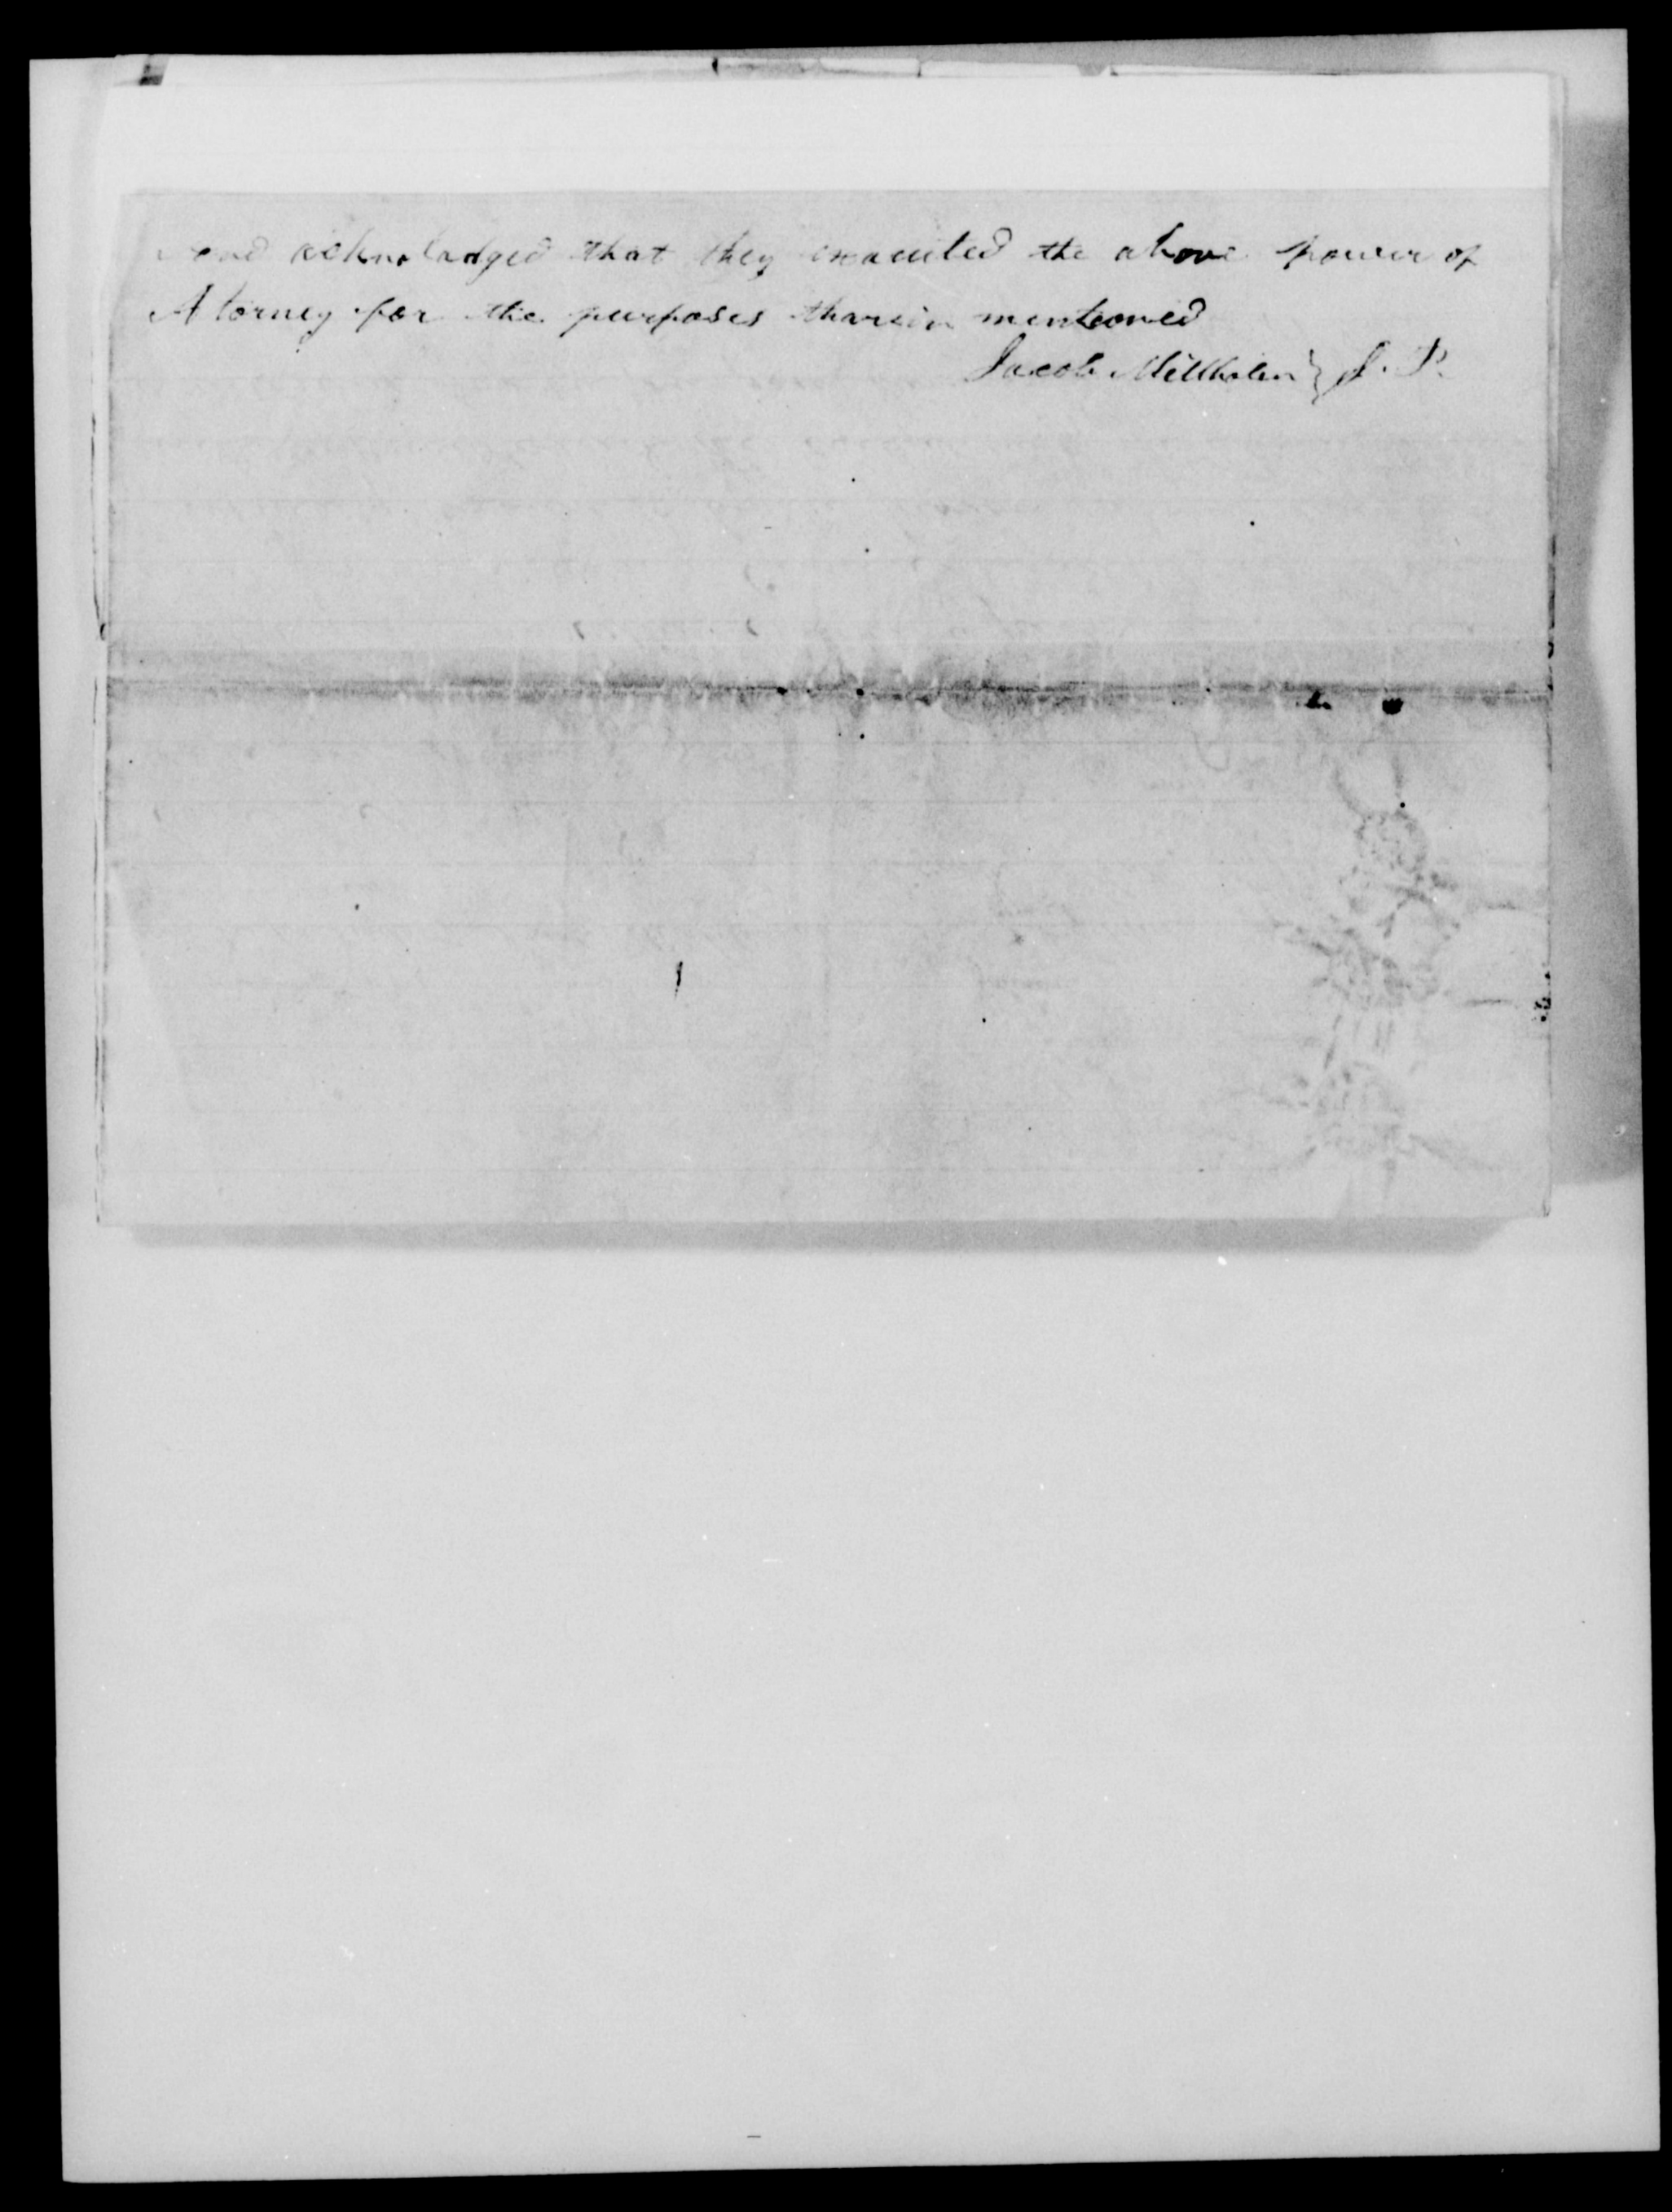and acknowledged that they executed the above power of
Atorney for the purposes therein mentioned
Jacob Millholen} J.P.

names: Jacob Millholen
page: 13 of 31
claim: survivor's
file: S. 14484, for Sylvanus Simmons, New York